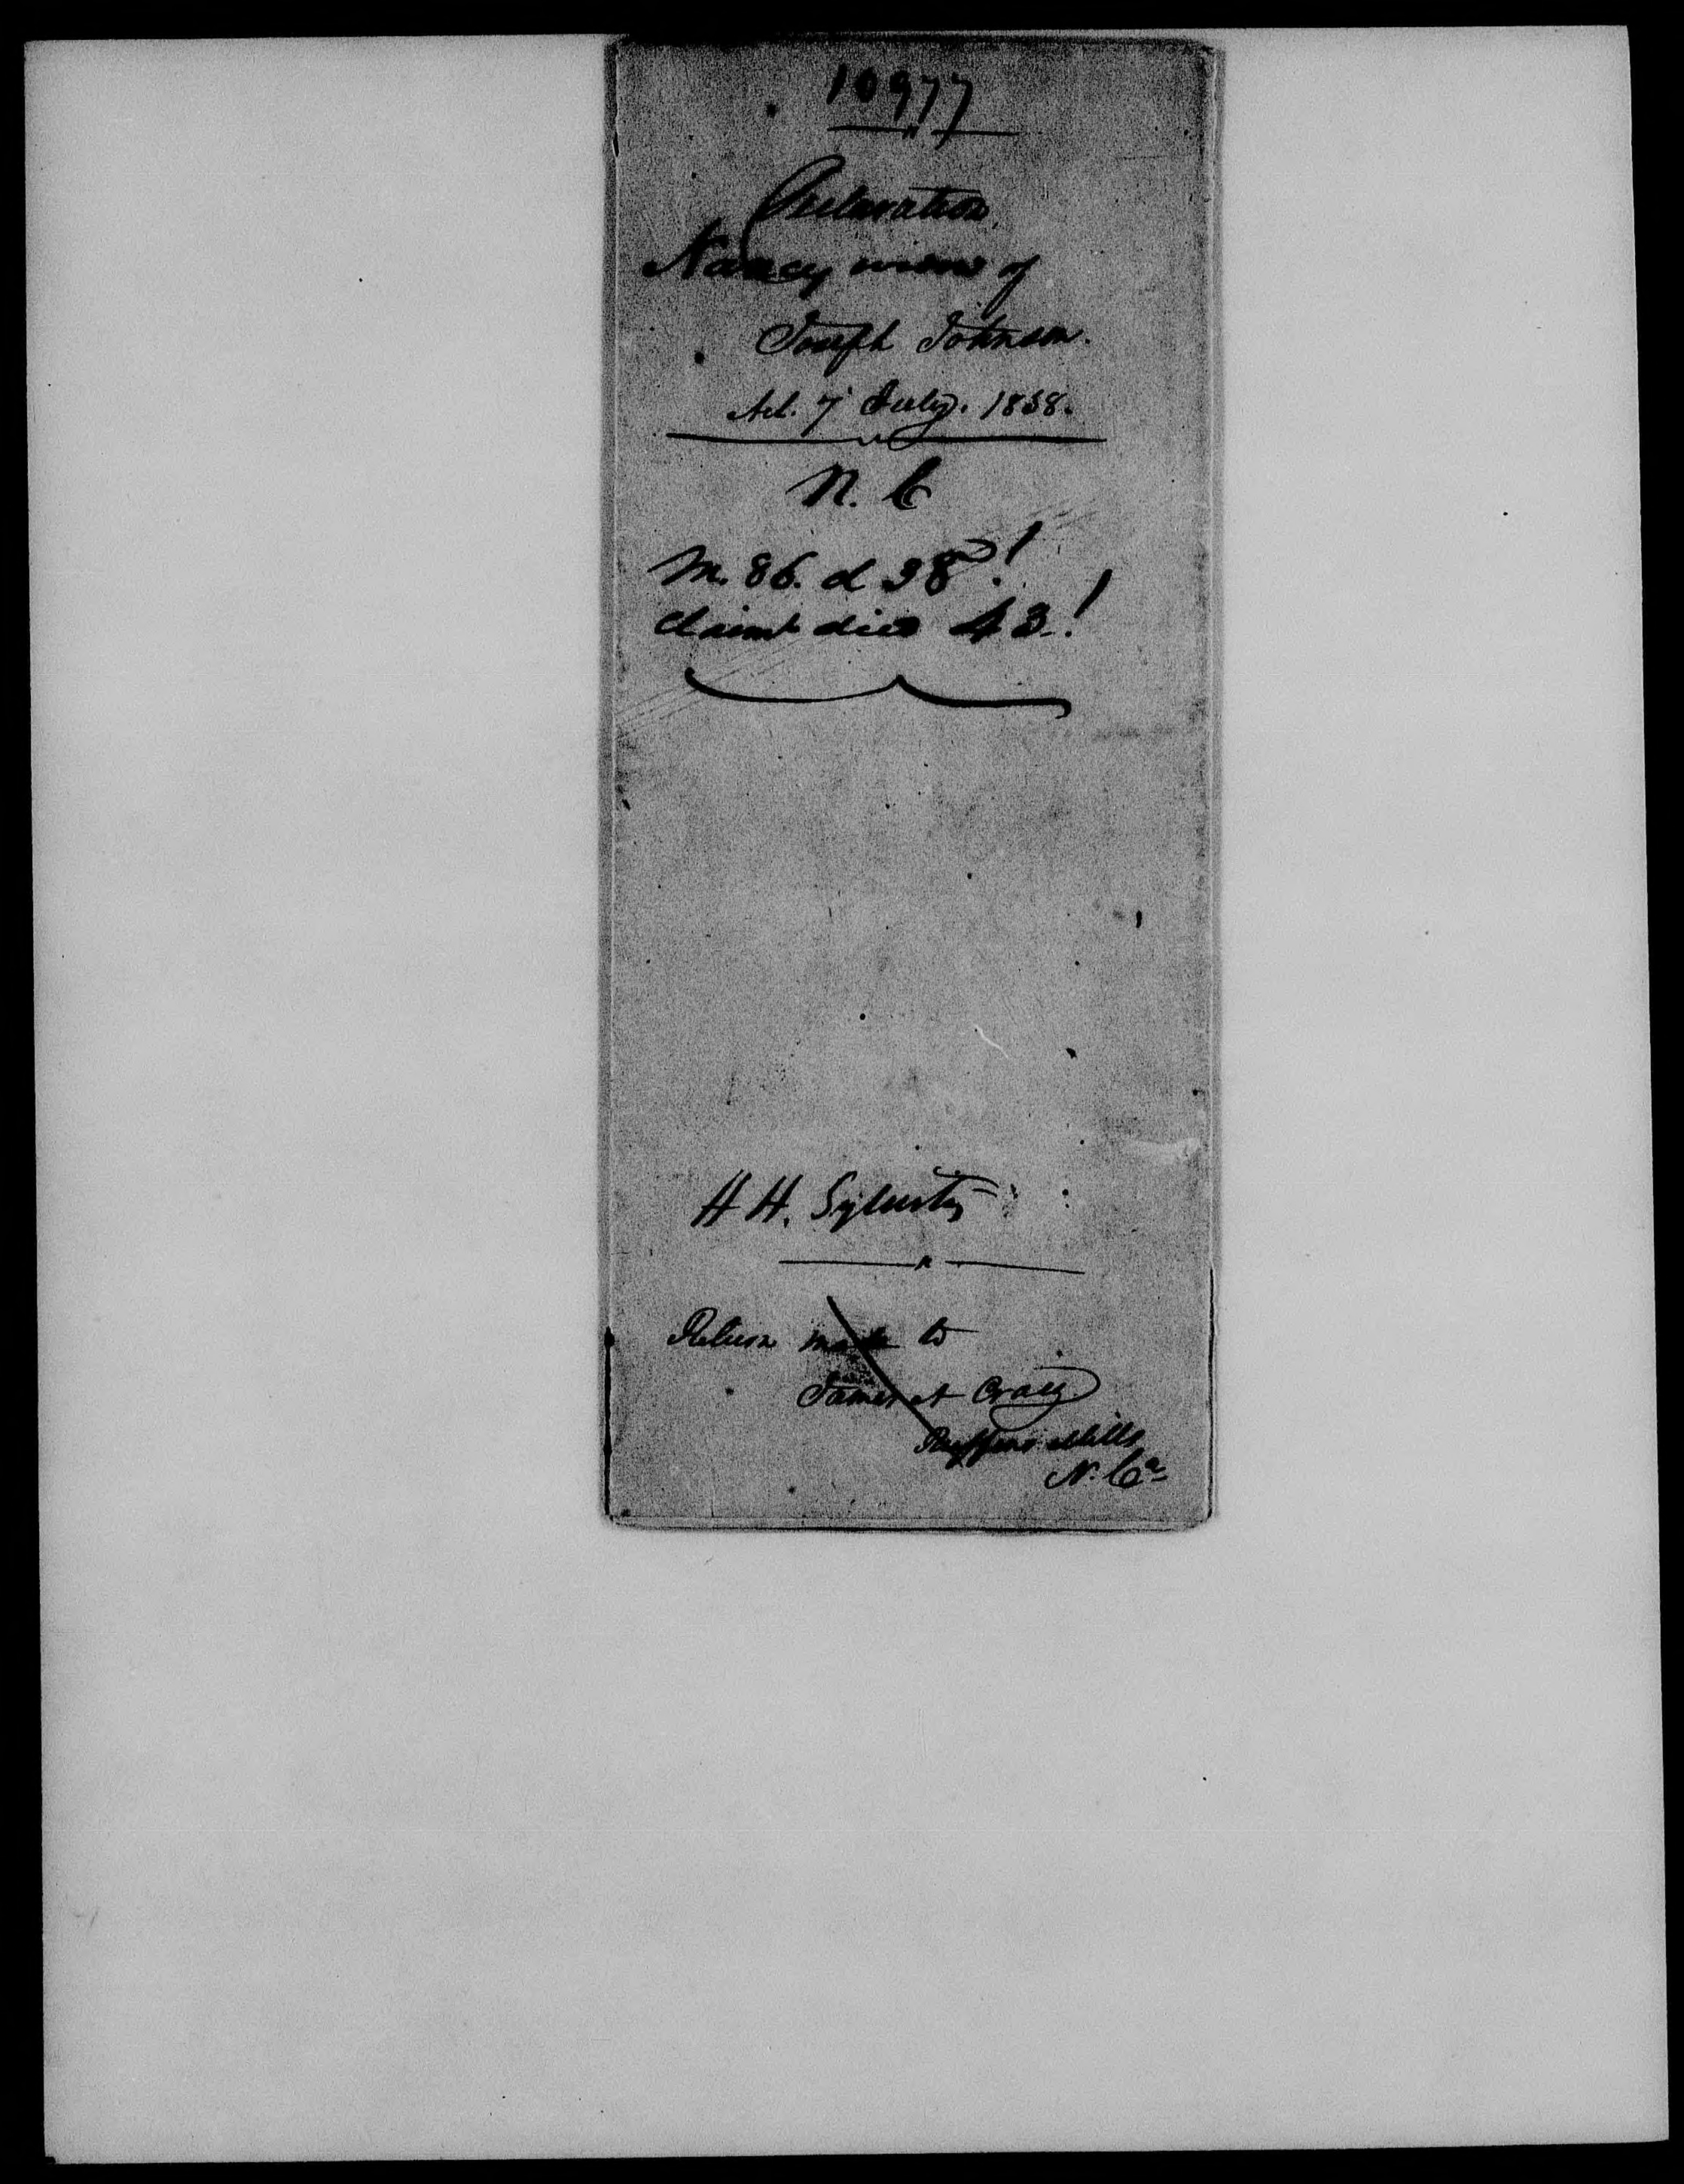[duplicate]

10977
Declaration
Nancy widow of Joseph Johnson 
Act 7 July 1838 N. C. 
M. 86. 38! 
claimant died 43!

H. H. Sylvester 

[line through - Return made to James at Craig Ruffins Mills N. C.]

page: 5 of 41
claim: widow's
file: W. 5033, for Joseph Johnston, North Carolina